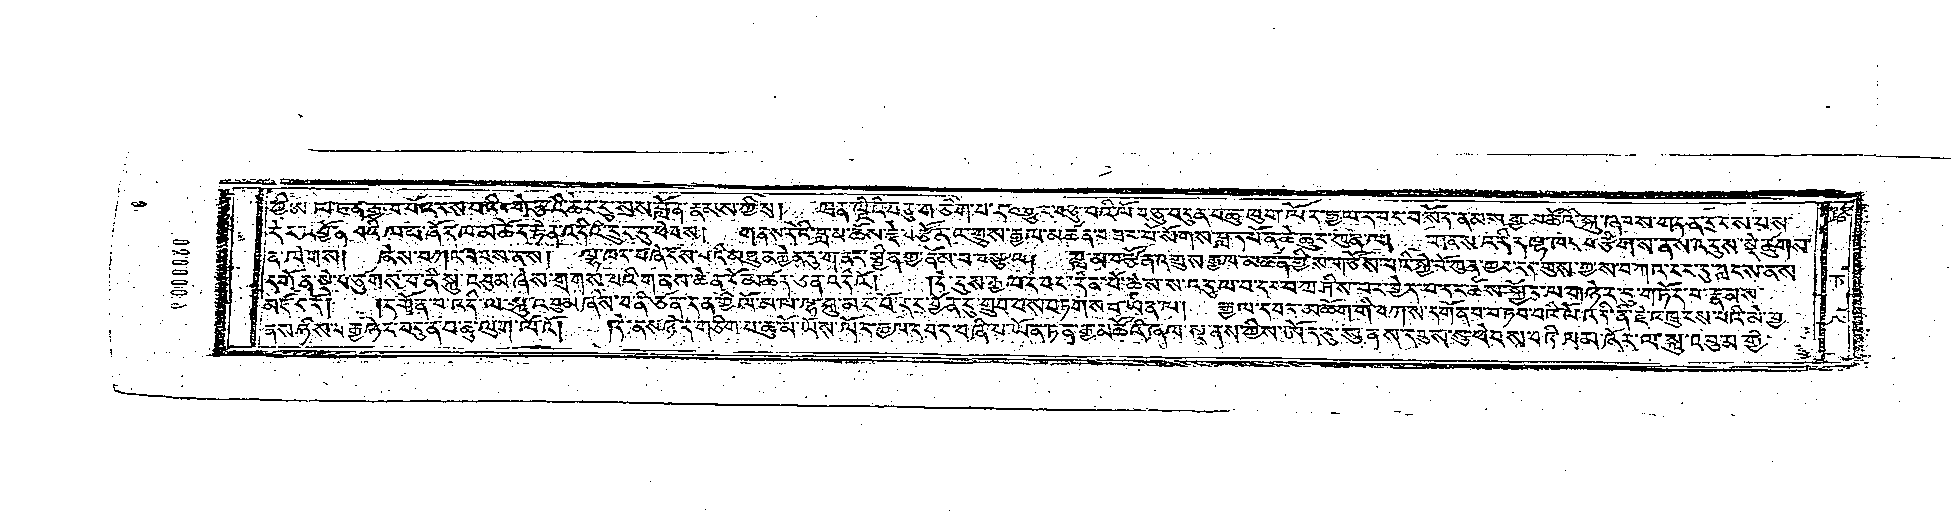ཀྱི་ཨ་ལ་ཐན་རྒྱལ་པོ་འདས་པའི་དགེ་རྩའི་ཆེད་དུ་སྲས་བློན་རྣམས་ཀྱིས། ཝན་ལཱིའི་བཅུ་གཅིག་པ་རབ་བྱུང་བཅུ་པའི་ལོ་བཅུ་བདུན་པ་ཆུ་ལུག་ལོར་རྒྱལ་དབང་བསོད་ནམས་རྒྱ་མཚོའི་སྐུ་ཞབས་གདན་དྲངས་པས་
དེར་འབྱོན་བའི་ལམ་ཞོང་ལ་མཆོད་རྟེན་འདིའི་དྲུང་དུ་ཕེབས། གནས་དེའི་བླ་མ་ཆོས་རྗེ་བརྩོན་འགྲུས་རྒྱལ་མཚན་བཟང་པོ་སོགས་བླ་དཔོན་ཆེན་ཆུང་ཀུན་ལ། གནས་འདིར་ལྷ་ཁང་བརྩིགས་ནས་འདུས་སྡེ་ཚུགས་
ན་ལེགས། ཞེས་བཀའ་བབས་ནས། ལྷ་ཁང་བཞེངས་པའི་མཐུན་རྐྱེན་དུ་གནང་སྦྱིན་གྱི་ནོམ་བ་བསྩལ། བླ་མ་བརྩོན་འགྲུས་རྒྱལ་མཚན་གྱིས་གཙོས་པའི་སྐྱེ་བོ་ཀུན་ཀྱང་དད་གུས་ཀྱ་ས་བཀའ་ངང་དུ་གླངས་ནས་
དགོན་སྡེ་བཙུགས་པ་ནི་སྐུ་འབུམ་ཞེས་གྲགས་པའི་གནས་ཆེན་ངོ་མཚར་ཅན་འདིའོ། །དེ་དུས་རྒྱལ་དབང་རིན་པོ་ཆེས་ས་འདུལ་བ་དང་བམ་ཤིས་པར་བྱེད་པ་དད་ཚེས་སྐྱོང་ལ་ཉེར་དུ་གཏོད་བ་རྣམས་
མཛད་དོ། །དགོན་བ་འདི་ལ་སྐུ་འབུམ་ཞེས་བ་ནི་ཙན་དན་གྱི་ལོ་མ་ལ་ལྷ་སྐུ་མང་བོ་རང་བྱོན་དུ་གྲུབ་བས་བཏགས་པ་ཡིན་ལ། རྒྱལ་དབང་མཆོག་གི་བཀས་དགོན་བ་བཏབ་པའི་ལོ་འདི་ནི་རྗེ་འཁྲུངས་པའི་མེ་བྱ་
ནས་ཉིས་པ་རྒྱ་ཉེར་བདུན་པ་ཆུ་ལུག་ལོའོ། །དེ་ནས་ཉེར་གཅིག་པ་ཆུ་མོ་ཡོས་ལོ་ང་རྒྱལ་དབང་བཞི་པ་ཡོན་ཏན་རྒྱ་མཚོའི་ཞལ་སྔ་ནས་ཀྱིས་ཨོར་དུ་སུ་ནས་དབུས་སུ་ཕེབས་པའི་ལམ་ཞོར་ལ་སྐུ་འབུམ་གྱི་